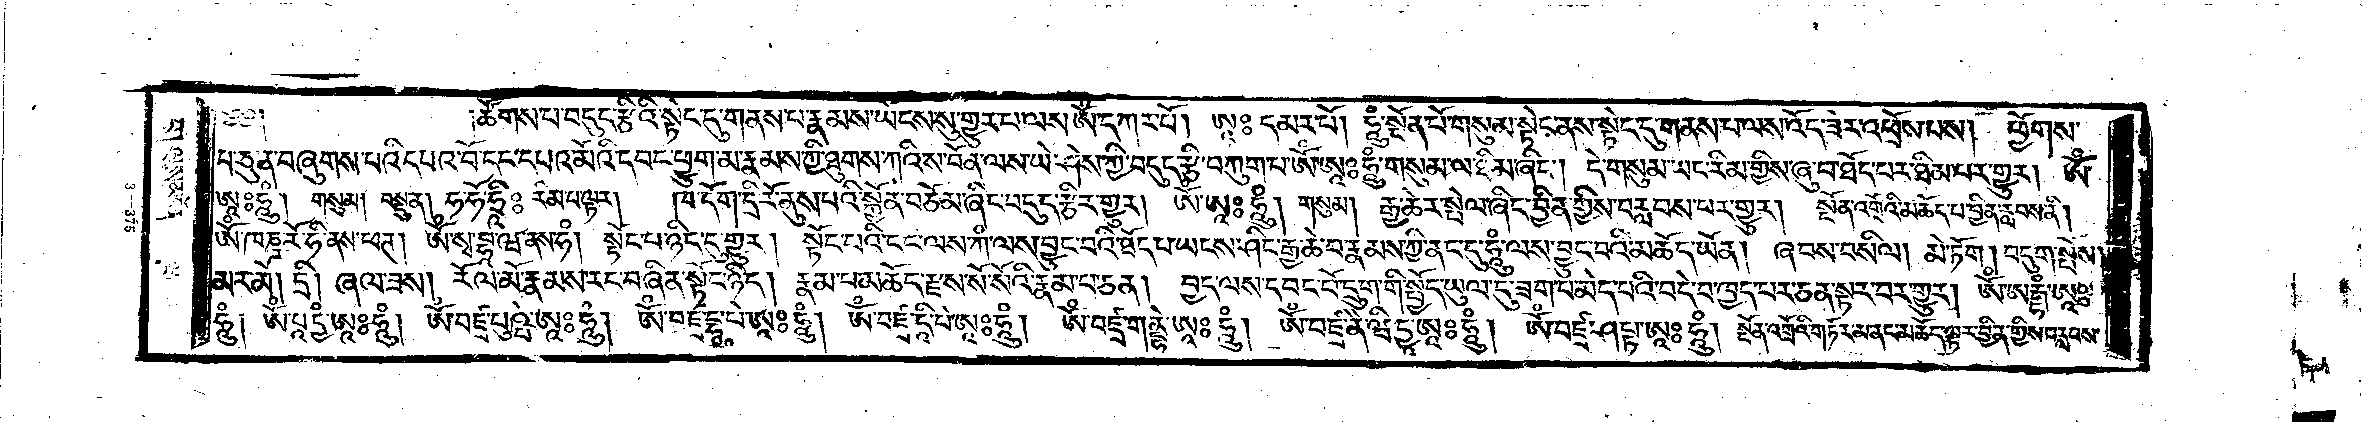༄༅། །ཚོགས་པ་བདུད་རྩིའི་སྟེང་དུ་གནས་པ་རྣམས་ཡོངས་སུ་གྱུར་པ་ལས་ཨོཾ་དཀར་པོ། ཨཱཿ དམར་པོ། ཧཱུཾ་སྔོན་པོ་གསུམ་སྟེང་ནས་སྟེང་དུ་གནས་པ་ལས་འོད་ཟེར་འཕྲོས་པས། ཕྱོགས་
པ་ཅུ་ན་བཞུགས་པའི་དཔའ་བོ་དང་དཔའ་མོའི་དབང་ཕྱུག་མ་རྣམས་ཀྱི་ཐུགས་ཀའི་ས་བོན་ལས་ཡེ་ཤེས་ཀྱི་བདུད་རྩི་བཀུག་པ་ཨོཾ་ཨཱཿ ཧཱུཾ་གསུམ་ལ་ཐིམ་ཞིང་། དེ་གསུམ་ཡང་རིམ་གྱིས་ཞུ་བ་ཐོད་པར་ཐིམ་པར་གྱུར། ཨོཾ་
ཨཱཿ ཧཱུཾ། གསུམ། བསྡུ་ན། ཧ་ཧོ་ཧྲཱིཿ རིམ་པ་ལྟར། ཁ་དོག་དྲི་རོ་ནུས་པའི་སྐྱོན་བཅོམ་ཞིང་བདུད་རྩིར་གྱུར། ཨོཾ་ཨཱཿ ཧཱུཾ། གསུམ། རྒྱ་ཆེར་སྤེལ་ཞིང་བྱིན་གྱིས་བརླབས་པར་གྱུར། སྔོན་འགྲོའི་མཆོད་པ་བྱིན་རླབས་ནི།
ཨོཾ་ཁཎྜ་རོ་ཧི་ནས་ཕཊ། ཨོཾ་སྭ་བྷཱ་ཝ་ནས་ཧཾ། སྟོང་པ་ཉིད་དུ་གྱུར། སྟོང་པའི་ངང་ལས་ཀཾ་ལས་བྱུང་བའི་ཐོད་པ་ཡངས་ཤིང་རྒྱ་ཆེ་བ་རྣམས་ཀྱི་ནང་དུ་ཧཱུཾ་ལས་བྱུང་བའི་མཆོད་ཡོན། ཞབ་བསིལ། མེ་ཏོག། བདུག་སྤོས་
མར་མོ། དྲི། ཞལ་ཟས། རོལ་མོ་རྣམས་རང་བཞིན་སྟོང་ཉིད། རྣམ་པ་མཆོད་རྫས་སོ་སོའི་རྣམ་པ་ཅན། བྱང་ལས་དབང་པོ་དྲུག་གི་སྤྱོད་ཡུལ་དུ་ཟག་པ་མེད་པའི་བདེ་བ་ཁྱད་པར་ཅན་སྟར་བར་གྱུར། ཨོཾ་ཨརྒྷཾ་ཨཱཿ
ཧཱུཾ། ཨོཾ་པཱ་དྱཾ་ཨཱཿ ཧཱུཾ། ཨོཾ་བཛྲ་པུཥྤེ་ཨཱཿ ཧཱུཾ། ཨོཾ་བཛྲ་དྷཱུ་པེ་ཨཱཿ ཧཱུཾ། ཨོཾ་བཛྲ་དཱི་པེ་ཨཱཿ ཧཱུཾ། ཨོཾ་བཛྲ་གནྡྷེ་ཨའཿ ཧཱུཾ། ཨོཾ་བཛྲ་ནི་ཝི་དྱཱ་ཨའཿ ཧཱུཾ། ཨོཾ་བཛྲ་ཤཔྟ་ཨཱཿ ཧཱུཾ། སྔོན་འགྲོའི་གཏོར་མ་ནང་མཆོད་ལྟར་བྱིན་གྱིས་བརླབས་